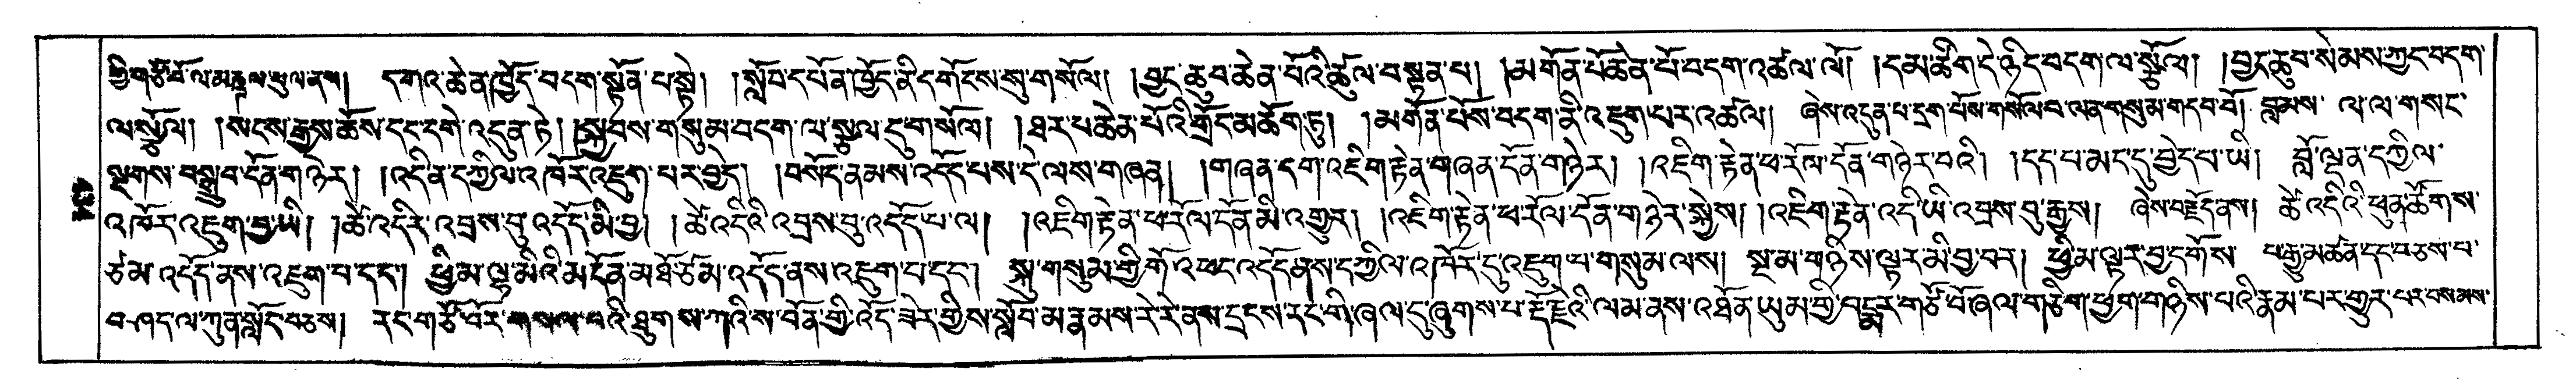གྱི་གཙོ་བོ་ལ་མཎྜལ་ཕུལ་ནས། དགའ་ཆེན་ཁྱོད་བདག་སྟོན་པ་སྟེ། །སློབ་དཔོན་ཁྱོད་ནི་དགོངས་སུ་གསོལ། །བྱང་ཆུབ་ཆེན་པོའི་ཚུལ་བསྟན་པ། །མགོན་བོ་ཆེན་པོ་བདག་འཚལ་ལོ། །དམ་ཚིག་དེ་ཉིད་བདག་ལ་སྩོལ། །བྱང་ཆུབ་སེམས་ཀྱང་བདག་
ལ་སྩོལ། །སངས་རྒྱས་ཆོས་དང་དགེ་འདུན་ཏེ། །སྐྱབས་གསུམ་བདག་ལ་སྩལ་དུ་གསོལ། །ཐར་པ་ཆེན་པོའི་གྲོང་མཆོག་ཏུ། །མགོན་པོས་བདག་ནི་འཇུག་པར་འཚལ། ཞེས་འདུན་པ་དྲག་པོས་གསོལ་བ་ལན་གསུམ་གདབ་བོ། བླ་མས་ལ་ལ་གསང་
སྔགས་བསྒྲུབ་དོན་གཉེར། །འདི་ན་དཀྱིལ་འཁོར་འཇུག་པར་བྱེད། །བསོད་ནམས་འདོད་པས་དེ་ལས་གཞན། །གཞན་དག་འཇིག་རྟེན་གཞན་དོན་གཉེར། །འཇིག་རྟེན་ཕ་རོལ་དོན་གཉེར་བའི། །དད་པ་མང་དུ་བྱེད་པ་ཡི། །བློ་ལྡན་དཀྱིལ་
འཁོར་འཇུག་བྱ་ཡི། །ཚེ་འདིའི་འབྲས་བུ་འདོད་མི་བྱ། །ཚེ་འདིའི་འབྲས་བུ་འདོད་པ་ལ། །འཇིག་རྟེན་ཕ་རོལ་དོན་མི་འགྱུར། །འཇིག་རྟེན་ཕ་རོལ་དོན་གཉེར་སྐྱེས། །འཇིག་རྟེན་འདི་ཡི་འབྲས་བུ་རྒྱས། ཞེས་བརྗོད་ནས། ཚེ་འདིའི་ཕུན་ཚོགས་
ཙམ་འདོད་ནས་འཇུག་པ་དང་། ཕྱི་མ་ལྷ་མིའི་མངོན་མཐོ་ཙམ་འདོད་ནས་འཇུག་པ་དང་། སྐུ་གསུམ་གྱི་གོ་འཕང་འདོད་ནས་དཀྱིལ་འཁོར་དུ་འཇུག་པ་གསུམ་ལས། སྔ་མ་གཉིས་ལྟར་མི་བྱ་བར། ཕྱི་མ་ལྟར་བྱ་དགོས་པ་རྒྱུ་མཚན་དང་བཅས་པ་
བཤད་ལ་ཀུན་སློང་བཅོས། རང་གཙོ་བོར་གསལ་བའི་ཐུགས་ཀའི་ས་བོན་གྱི་འོད་ཟེར་གྱིས་སློབ་མ་རྣམས་རེ་རེ་ནས་དྲངས་རང་གི་ཞལ་དུ་ཞུགས་པ་རྡོ་རྗེའི་ལམ་ནས་འཐོན་ཡུམ་གྱི་པདམར་གཙོ་བོ་ཞལ་གཅིག་ཕྱག་གཉིས་པའི་རྣམ་པར་གྱུར་པར་བསམས་